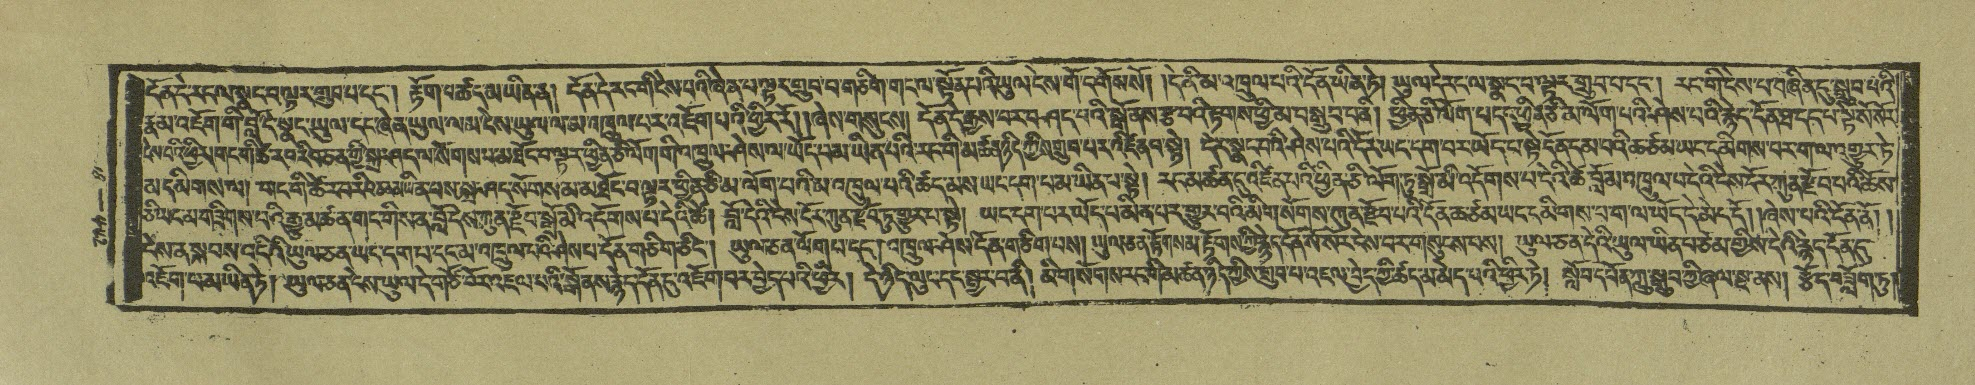དོན་དེ་རང་ལ་སྣང་བ་ལྟར་གྲུབ་པ་དང་། རྟོག་པ་ཚད་མ་ཡིན་ན། དོན་དེ་རང་གི་ངེས་པའི་ཞེན་པ་ལྟར་གྲུབ་པ་གཅིག་གང་ལ་སྟོན་པའི་ཡུལ་ངེས་གོ་དགོས་སོ། །དེ་ནི་མ་འཁྲུལ་པའི་དོན་ཡིན་ཏེ། ཡུལ་དེ་རང་ལ་སྣང་བ་ལྟར་གྲུབ་པ་དང་། རང་གི་ངེས་པ་བཞིན་དུ་སྒྲུབ་པའི་
རྣམ་འཇོག་གི་བློ་དེ་སྣང་ཡུལ་དང་ཞེན་ཡུལ་དང་ཞེན་ཡུལ་ལ་མ་ངེས་ཡུལ་ལ་མ་འཁྲུལ་པར་འཇོག་པའི་ཕྱིར་རོ། །ཞེས་གསུངས། དོན་དེ་རྒྱས་པར་བཤད་པའི་སྒོ་ནས་རྩ་བའི་རྟགས་ཕྱི་མ་བསྒྲུབ་པ་ནི། ཕྱིན་ཅི་ལོག་པ་དང་ཕྱིན་ཅི་མ་ལོག་པའི་ཤེས་པའི་རྙེད་དོན་ཐ་དད་པ་སྟེ་སོ་སོར་
ངེས་པའི་ཕྱིར། གང་གི་ཚེ་རབ་རིབ་ཅན་གྱི་སྐྲ་ཤེད་ལ་སོགས་པ་མཐོང་བ་ལྟར་ཕྱིན་ཅི་ལོག་གི་འཁྲུལ་ཤེས་ལ་ཡོད་པ་མ་ཡིན་པའི་རང་གི་མཚན་ཉིད་ཀྱིས་གྲུབ་པར་འཛིན་པ་སྟེ། དེར་སྣང་བའི་ཤེས་པའི་དོར་ཡང་དག་པར་ཡོད་པ་སྟེ་དོན་དམ་པའི་ཆ་ཙམ་ཡང་དམིགས་པར་ག་ལ་འགྱུར་ཏེ་
མ་དམིགས་ལ། གང་གི་ཚེ་རབ་རིབ་ཅན་མ་ཡིན་པས་སྐྲ་ཤད་སོགས་མ་མཐོང་བ་ལྟར་ཕྱིན་ཅི་མ་ལོག་པའི་མ་འཁྲུལ་བའི་ཚད་མས་ཡང་དག་པ་མ་ཡིན་པ་སྟེ། རང་མཚན་དུ་འཛིན་པའི་ཕྱིན་ཅི་ལོག་ཏུ་སྒྲོ་མི་འདོགས་པ་དེའི་ཚེ་བློ་མ་འཁྲུལ་བ་དེའི་ངེས་དོར་ཀུན་རྫོབ་པའི་ཆོས་
ཅི་ཡང་མ་གཟིགས་པའི་རྒྱུ་མཚན་གང་གིས་ན་བློ་དེས་ཀུན་རྫོབ་སྒྲོ་མི་འདོགས་པ་དེའི་ཚེ། བློ་དེའི་ངེས་ངོར་ཀུན་རྫོབ་ཏུ་གྱུར་པ་སྟེ། ཡང་དག་པར་ཡོད་པ་མིན་པར་གྱུར་པའི་མིག་སོགས་ཀུན་རྫོབ་པའི་དོན་ཆ་ཙམ་ཡང་དམིགས་པ་ག་ལ་ཡོད་དེ་མེད་དོ། །ཞེས་པའི་དོན་ནོ། །
དེས་ན་སྐབས་འདིའི་ཡུལ་ཅན་ཡང་དག་པ་དང་མ་འཁྲུལ་བའི་ཤེས་པ་དོན་གཅིག་ཅིང་། ཡུལ་ཅན་ལོག་པ་དང་། འཁྲུལ་ཤེས་དོན་གཅིག་པས། ཡུལ་ཅན་རྟོགས་མ་རྟོགས་ཀྱི་རྙེད་དོན་སོ་སོར་ངེས་པར་གསུངས་པས། ཡུལ་ཅན་དེའི་ཡུལ་ཡིན་པ་ཙམ་གྱིས་དེའི་རྙེད་དོན་དུ་
འཇོག་པ་མ་ཡིན་ཏེ། ཡུལ་ཅན་ངེས་ཡུལ་དེ་གཙོ་བོར་འཇལ་བའི་སྒོ་ནས་རྙེད་དོན་དུ་འཇོག་པར་བྱེད་པའི་ཕྱིར། དེ་ཉིད་ལུང་དང་སྦྱར་བ་ནི། མིག་སོགས་རང་གི་མཚན་ཉིད་ཀྱིས་གྲུབ་པ་འཇལ་བྱད་ཀྱི་ཚད་མ་མེད་པའི་ཕྱིར་ཏེ། སློབ་དཔོན་ཀླུ་སྒྲུབ་ཀྱི་ཞལ་སྔ་ནས། རྩོད་བཟློག་ཏུ་